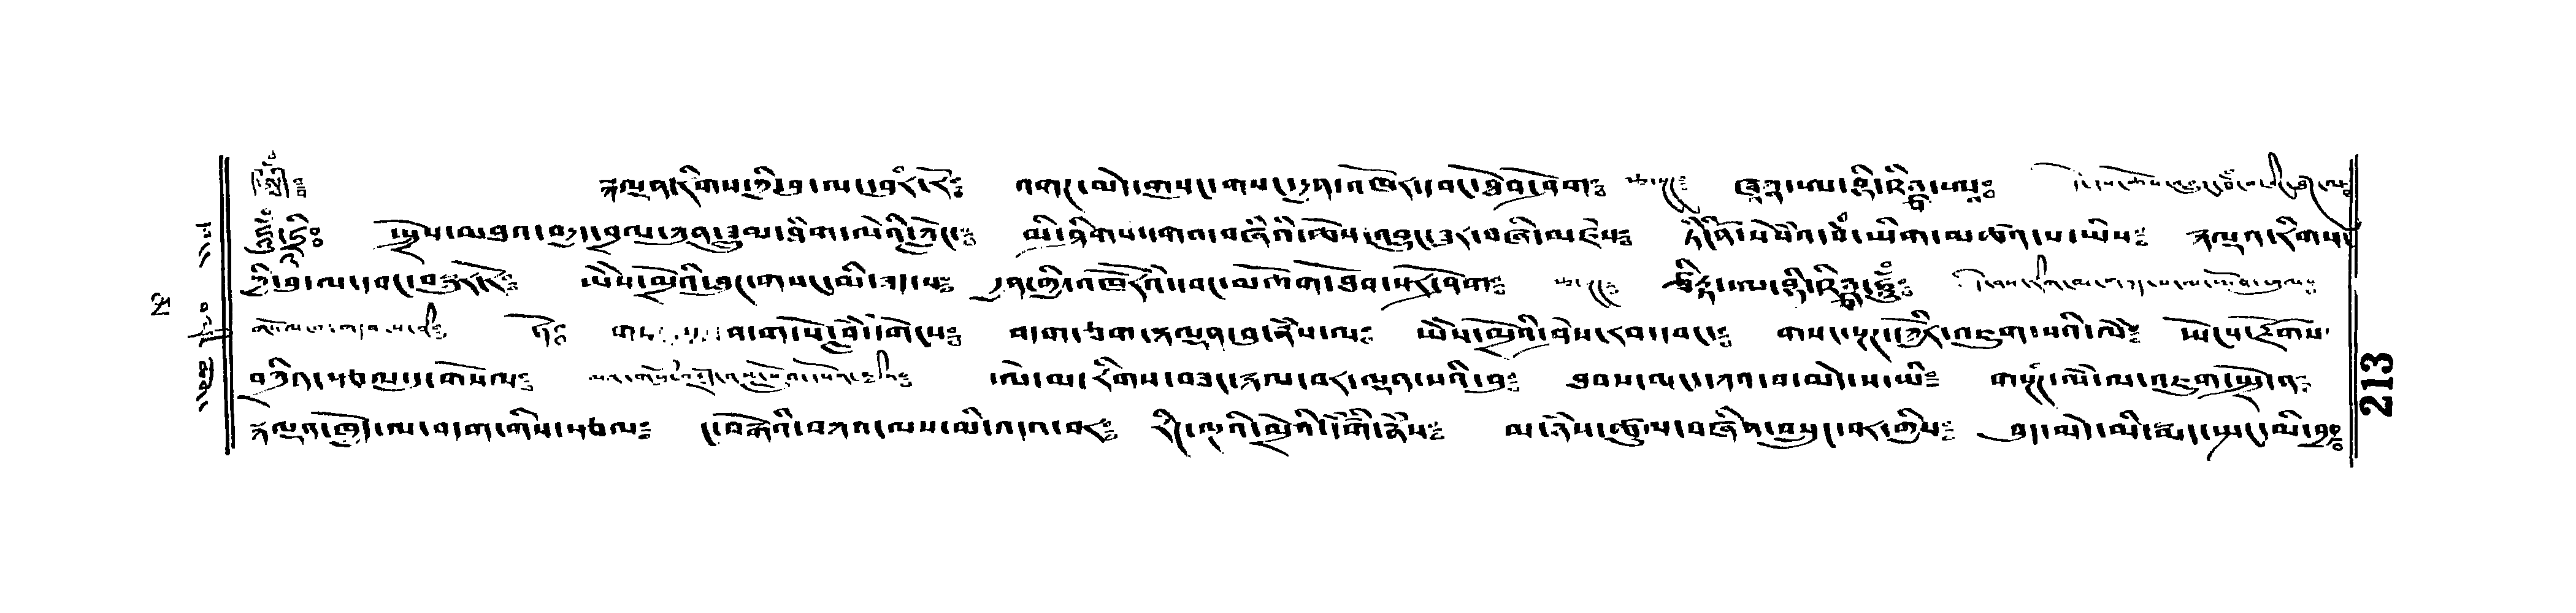སྐལ་ལྡན་རིགས་ཀྱི་བུ་ལ་དབང་བསྐུར་རོ༔ འགགས་མེད་གསུང་གསང་རྒྱན་འཁོར་དབང་ཐོབ་ཤོག༔ རྩ་སྔགས༔ ཝཱཀྐ་ཨ་བྷི་རིཉྩ་ཨཱཿ དེ་ནས་ཆོས་འབྱུང་བྃ་ཡིག་ཐོགས་ལ༔ 
ཧཱུྃ་ཧྲཱིཿ སྤྲོས་མཐའ་བརྒྱད་བྲལ་ཀུན་ཟླུམ་ཐིག་ལེའི་ཀློང༔ མི་ཤིགས་དགའ་བཞིའི་ཆོས་འབྱུང་ཟུར་བཞི་མཛེས༔ ཏིང་འཛིན་སེམས་དཔའ་བྃ་ཡིག་མཚན་པ་ཡིས༔ སྐལ་ལྡན་རིགས་
ཀྱི་བུ་ལ་དབང་བསྐུར་རོ༔ ཡེ་ཤེས་མཁའ་འགྲོའི་ཐུགས་གསང་མི་ཟད་པ༔ རྒྱན་གྱི་འཁོར་ལོའི་དབང་མཆོག་ཐོབ་པར་ཤོག༔ རྩ་སྔགས༔ ཙིཏྟ་ཨ་བྷི་རིཉྩ་ཧཱུྃ༔ དེ་ནས་རིག་མ་གཏད་པ་ལ་ཡོན་ཕུལ༔ 
གསོལ་བ་གདབ་པ་ནི༔ ཧོཿ གསང་སྔགས་བདག་པོ་བླ་མ་དགོངས༔ བདག་ཅག་སྐལ་ལྡན་བུ་རྣམས་ལ༔ ཡེ་ཤེས་མཁའ་འགྲོའི་ཤེས་རབ་དབང༔ གསང་སྔགས་དཀྱིལ་འཁོར་འཇུག་པའི་ལམ༔ ཡོངས་རྫོགས་
བཀའ་དྲིན་བསྩལ་དུ་གསོལ༔ ལན་གསུམ་བརྗོད་ནས་སློབ་དཔོན་གྱིས༔ ཨེ་མ༔ རིགས་བཟང་སྐལ་བར་ལྡན་པའི་བུ༔ ཐབས་མང་དཀའ་བ་མེད་པ་ཡི༔ གསང་སྔགས་ལམ་ལ་འཇུག་སྤྲོ་ན༔ 
སྐལ་ལྡན་ཁྱོད་ལ་བདག་གིས་སྩལ༔ ངས་བསྒོའི་བཀའ་ལས་མི་འདའ་བར༔ རིགས་ལྔའི་མཁའ་འགྲོའི་དམ་ཚིག་རྣམས༔ མ་ཉམས་ཚུལ་བཞིན་བསྲུང་བར་གྱིས༔ བུད་མེད་མི་སྨད་སྤང་མི་བྱ༔